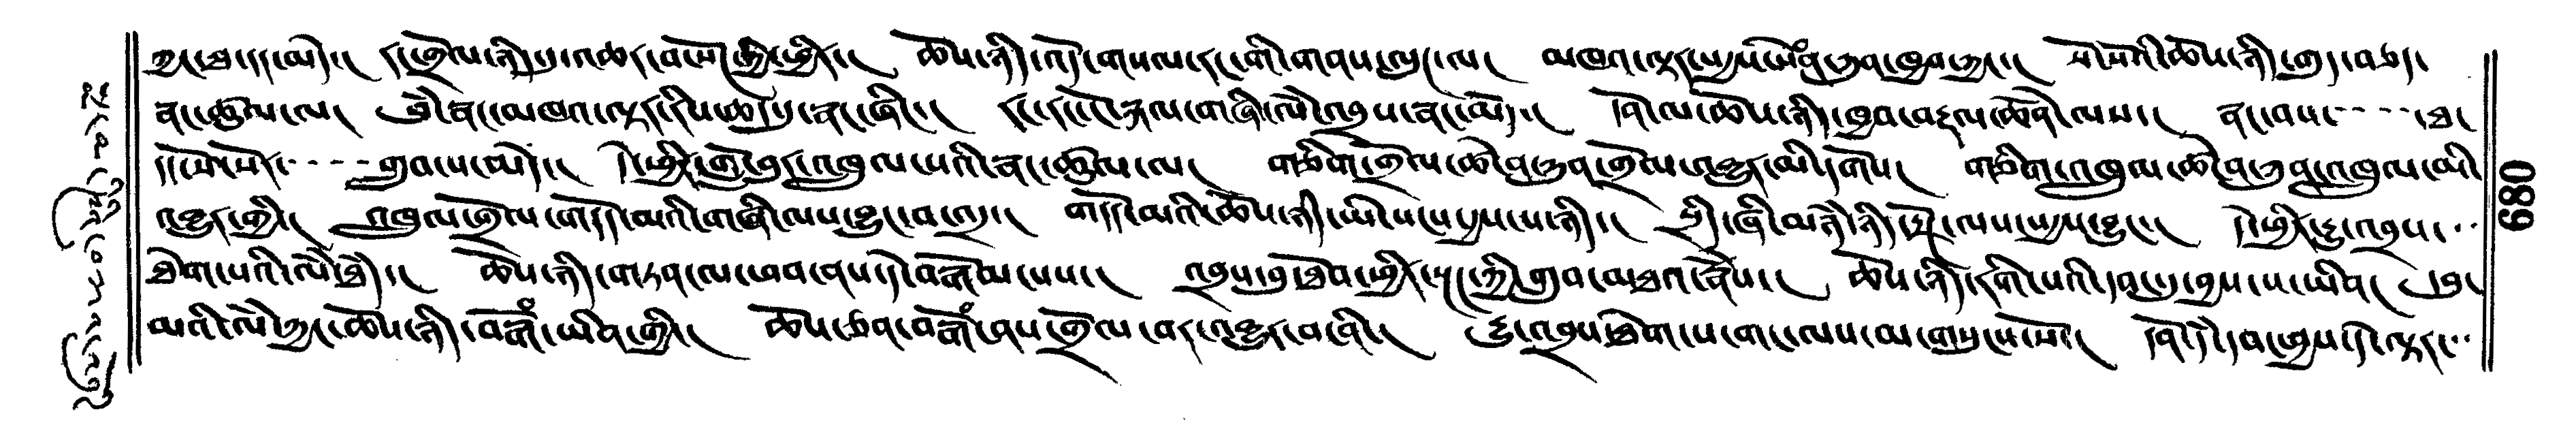ཀྱང་ཐ་དད་མེད། །རང་གྲོལ་ཉིད་དུ་འཆར་བ་སོགས་ཀྱི་ཕྱིར། །ཆོས་ཉིད་འོད་གསལ་རང་གི་གནས་ལུགས་ལ། །མཁའ་ལྟར་སངས་རྒྱས་སེམས་ཅན་ཀུན་ཁྱབ་ཀྱང་། །སོ་སོའི་ཆོས་ཉིད་གུད་བཅད་
སྣང་ཚུལ་ལ། །བུམ་སྣང་མཁའ་ལྟར་རིས་ཆད་དུ་སྣང་ཞིང་། །རང་རང་ངོ་སྐལ་གཞི་ལམ་འབྲས་སྣང་མོད། །དོན་ལ་ཆོས་ཉིད་ཁྱབ་བརྡལ་ཆེན་པོ་ལས། །སྣང་བས་ཐ་
དད་སོ་སོར་གྲུབ་པ་མེད། །དེ་ཕྱིར་གློ་བུར་འཁྲུལ་པའི་སྣང་ཚུལ་ལ། །གཅིག་གྲོལ་ཚེ་ན་ཀུན་གྲོལ་འགྱུར་མི་དགོས། །གཅིག་འཁྲུལ་ཚེ་ན་ཀུན་འཁྲུལ་མི་
འགྱུར་གྱི། །འཁྲུལ་གྲོལ་གདོད་མའི་གཞི་ལས་བྱུང་བ་འདྲ། །གདོད་མའི་ཆོས་ཉིད་ཡེ་སངས་རྒྱས་པ་ཉིད། །སྲིད་ཞི་མཉམ་ཉིད་རྟོགས་ལས་སངས་རྒྱས་བྱུང་། །དེ་ཕྱིར་རྒྱུ་འབྲས་
ཐེག་པའི་ལམ་ཐམས་ཅད། །ཆོས་ཉིད་གཏན་ལ་ཕབ་ནས་དེ་བསྒོམ་པས། །འབྲས་བུ་ཐོབ་ཕྱིར་སྔགས་ཀྱི་གྲུབ་མཐའ་རྣམས། །ཆོས་ཉིད་རིག་པའི་དབང་དུ་བྱས་པ་ཡིན། །དབུ་
མའི་ལམ་ཀྱང་ཆོས་ཉིད་བསྒོམ་ཡིན་གྱི། །ཆོས་ཅན་བསྒོམ་ནས་གྲོལ་བར་འགྱུར་བ་ནི། །རྒྱུ་འབྲས་ཐེག་པ་གང་ལས་མ་གསུངས་སོ། །དོན་དམ་དབང་བྱས་དེ་ལྟར་